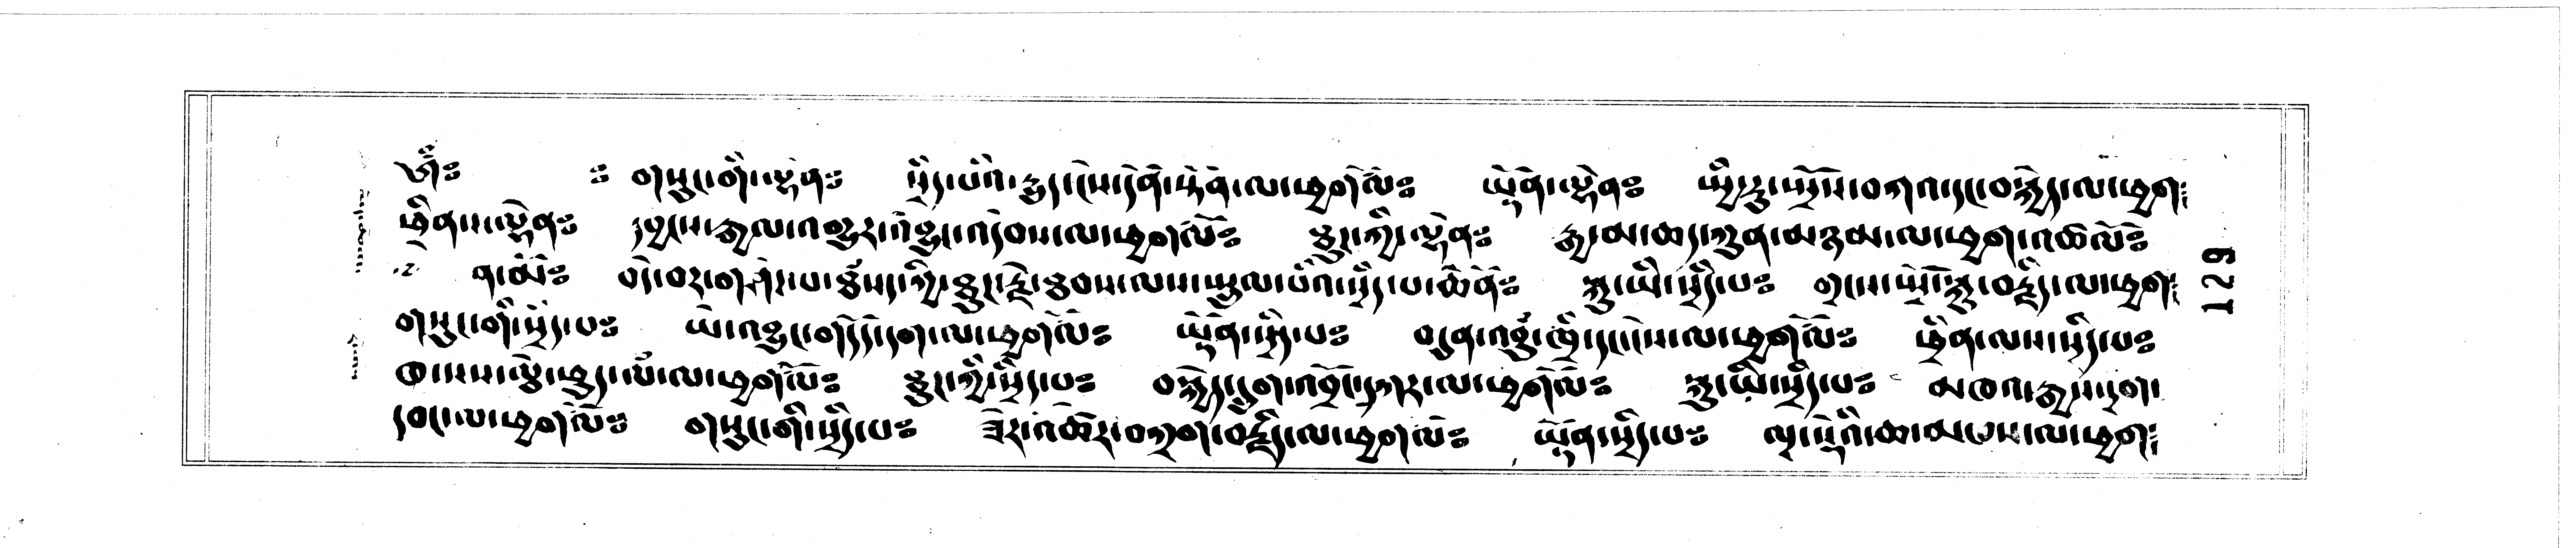སྲིད་པའི་རྒྱུད་ངེས་དོན་སྟོན་ལ་ཕྱག་འཚལ་ལོཿ ཡོན་ཏན་གྱི་ལྷ་ཆེནཿ སྤྱི་རུ་སྤྲོས་དཀའ་དང་སྐྱེད་ལ་ཕྱག་འཚལ་ལོཿ 
ཕྲིན་ལས་ཀྱི་ལྷ་ཆེནཿ དབྱངས་རྒྱལ་འགྱུར་འབྱུང་འདེབས་ལ་ཕྱག་འཚལ་ལོཿཐུགས་ཀྱི་ལྷ་ཆེནཿ རྒྱ་མ་ཆད་ཀུན་ལ་མཉམ་ལ་ཕྱག་འཚལ་ལོཿ 
ན་མོ་བདེ་བར་གཤེགས་པ་ཐམས་ཅད་ཀྱི་ཐུགས་རྗེ་ཐབས་ལས་སྤྲུལ་པའི་སྲིད་པ་ཆེན་པོཿ སྐུ་ཡི་སྲིད་པཿ གྲངས་སྤྲོ་སྐུ་བརྗིད་ལ་ཕྱག་འཚལ་ལོཿ 
གསུང་གི་སྲིད་པཿ ཡེ་འབྱུང་གདོད་དག་ལ་ཕྱག་འཚལ་ལོཿ ཡོན་ཏན་གྱི་སྲིད་པཿ བདུན་འབུམ་ཁྲི་དང་ངེས་ལ་ཕྱག་འཚལ་ལོཿ ཕྲིན་ལས་ཀྱི་སྲིད་པཿ 
ཁ་ཡལ་ལྕེ་ཕུད་ལམ་ལ་ཕྱག་འཚལ་ལོཿ ཐུགས་ཀྱི་སྲིད་པཿ བསྐྱེད་དྲུག་འབྲོང་དཀར་ལ་ཕྱག་འཚལ་ལོཿ སྐུ་ཡི་སྲིད་པཿ མཁའ་རྒྱལ་དྲག་
དབང་ལ་ཕྱག་འཚལ་ལོཿ གསུང་གི་སྲིད་པཿ ཟེར་འཚེར་བཀྲག་བརྗིད་ལ་ཕྱག་འཚལ་ལོཿ ཡོན་ཏན་གྱི་སྲིད་པཿ ལྔ་བདེའི་ཆ་མཁས་ལ་ཕྱག་འཚལ་ལོཿ